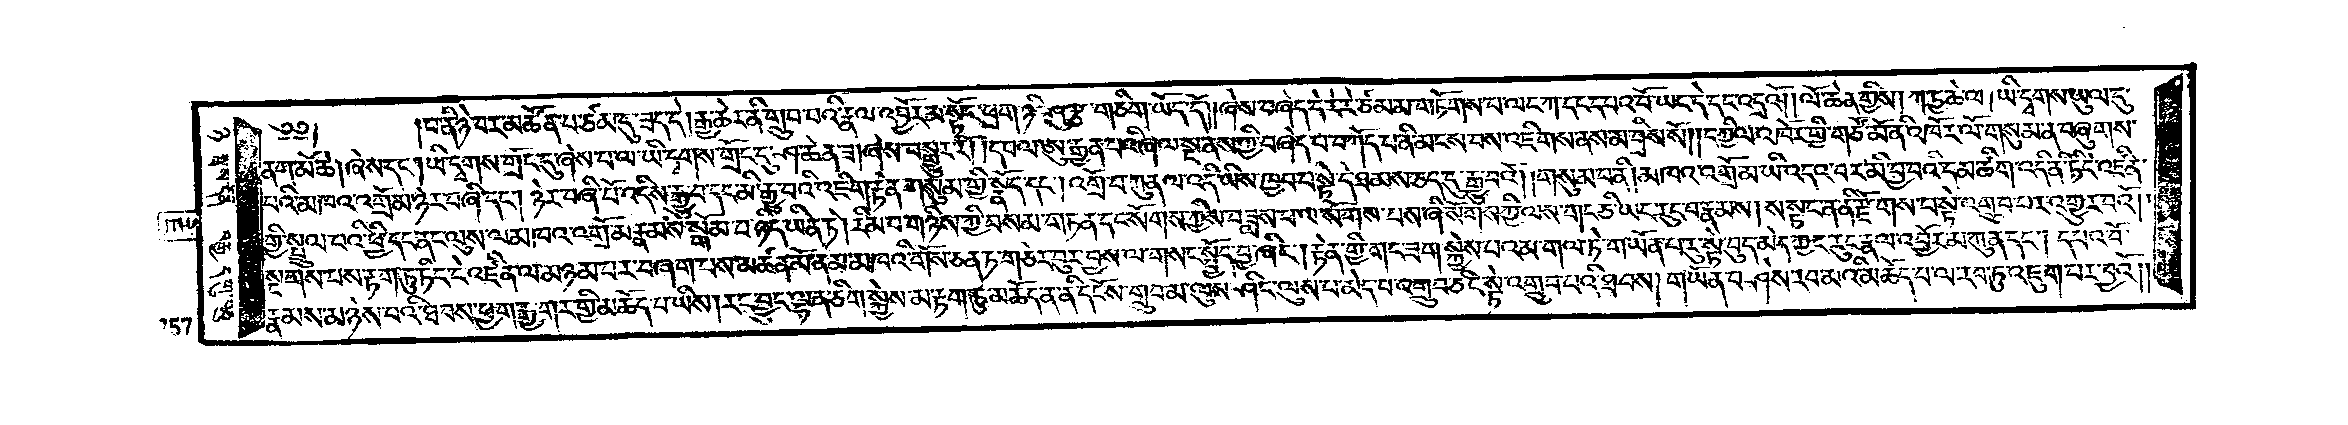༄༅། །པ་ནི་ཉེ་བར་མཚོན་པ་ཙམ་དུ་ཟད་དེ། རྒྱ་ཆེར་ནི་གྲུབ་པའི་རྣལ་འབྱོར་མ་སྟོང་ཕྲག་ཉི་ཤུ་རྩ་གཅིག་ཡོད་དོ། །ཞེས་བཞེད་དེ་རེ་རེ་ཙམ་མ་གཏོགས་པ་ལང་ཀ་དང་དཔའ་བོ་ཡང་དེ་དང་འདྲའོ། །ལོ་ཆེན་གྱིས། ཀ་ཏྱ་ཆེ་ལ། ཡི་དྭགས་ཡུལ་དུ་
ནག་མོ་ཆེ། ཞེས་དང་། ཡི་དྭགས་གྲོང་དུ་ཞེས་པ་ལ་ཡི་དྭགས་གྲོང་དུ་ཤ་ཆེན་ཟ། ཞེས་བསྒྱུར་རོ། །དཔལ་ཨུ་རྒྱན་པའི་ཞལ་སྔ་ནས་ཀྱི་བཞེད་པ་བཀོད་པ་ནི་མངས་བས་འཇིགས་ནས་མ་བྲིས་སོ། །དཀྱིལ་འཁོར་གྱི་གཙོ་མོ་ནི་འཁོར་ལོ་གསུམ་ན་བཞུགས་
པའི་མཁའ་འགྲོ་མ་ཉེར་བཞི་དང་། ཉེར་བཞི་པོ་འདིས་རྒྱུ་བ་དང་མི་རྒྱུ་བའི་འཇིག་རྟེན་གསུམ་གྱི་སྣོད་དང་། འགྲོ་བ་ཀུན་ལ་འདི་ཡིས་ཁྱབ་པ་སྟེ་དེ་ཐམས་ཅད་དུ་རྒྱུ་བའོ། །གསུམ་པ་ནི། མཁའ་འགྲོ་མ་ཡི་འདའ་བར་མི་བྱ་བའི་དམ་ཚིག་འདི་ནི་ཏིང་འཛིན་
གྱི་སྤྲུལ་པའི་ཕྱི་དང་ནང་ལུས་ལ་མཁའ་འགྲོ་མ་རྣམས་སྒོམ་པ་ཉིད་ཡིན་ཏེ། རིམ་པ་གཉིས་ཀྱི་བསམ་གཏན་དང་སོགས་ཀྱི་བཟླས་པ་ལ་སོགས་པས་ཞི་སོགས་ཀྱི་ལས་གང་ཅི་ཡང་རུང་བ་རྣམས། ས་སྟང་ན་ནི་རྫོགས་པ་སྟེ་འགྲུབ་པར་འགྱུར་བའོ། །
སྔགས་པས་རྟག་ཏུ་ཏིང་ངེ་འཛིན་ལ་མཉམ་པར་བཞག་པས་མཚན་མོ་ནམ་མཁའི་གོས་ཅན་ཏ་གཅེར་བུར་བྱས་ལ་གསང་སྤྱོད་བྱ་ཞིང་། རྟེན་གྱི་གང་ཟག་སྐྱེས་པའམ་གལ་ཏེ་གཡོན་པ་རུ་སྟེ་བུད་མེད་ཀྱང་རུང་རྣལ་འབྱོར་མ་ཀུན་དང་། དཔའ་བོ་
རྣམས་མཉེས་པའི་ཐབས་ཕྱག་རྒྱ་གར་གྱི་མཆོད་པ་ཡིས། རང་བྱུང་ལྷན་ཅིག་སྐྱེས་མ་རྟག་ཏུ་མཆོད་ན་ནི་དངོས་གྲུབ་མ་ལུས་ཤིང་ལུས་པ་མེད་པ་འགྲུབ་ཅིང་སྟེ་འགྲུབ་པའི་ཐབས། གཡོན་པ་ཤེས་རབ་མའི་མཆོད་པ་ལ་རབ་ཏུ་འཇུག་པར་བྱའོ། །